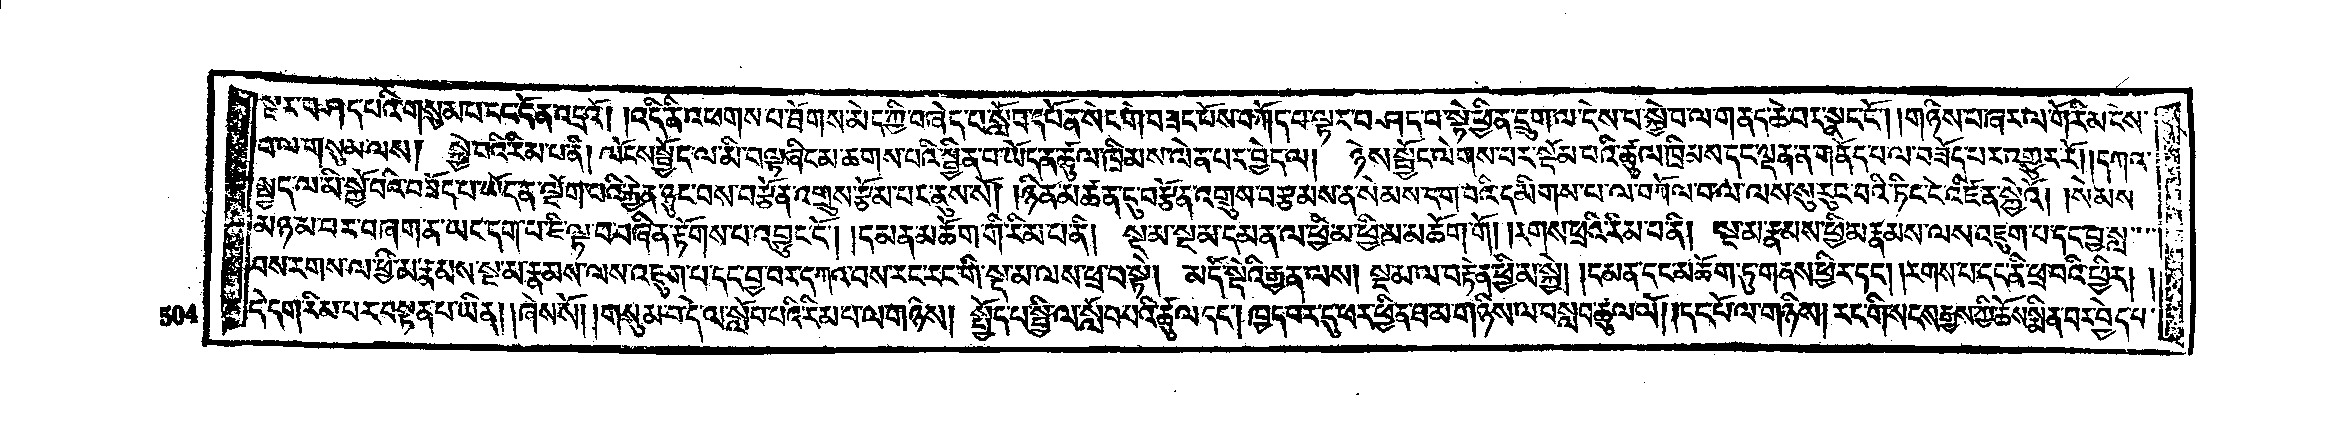སྔར་བཤད་པའི་གསུམ་པ་དང་དོན་འདྲའོ། །འདི་ནི་འཕགས་པ་ཐོགས་མེད་ཀྱི་བཞེད་པ་སློབ་དཔོན་སེང་གེ་བཟང་པོས་བཀོད་པ་ལྟར་བཤད་པ་སྟེ་ཕྱིན་དྲུག་ལ་ངེས་པ་སྐྱེ་བ་ལ་གནད་ཆེ་བར་སྣང་ངོ། །གཉིས་པ་ཞར་ལ་གོ་རིམ་ངེས་
པ་ལ་གསུམ་ལས། སྐྱེ་བའི་རིམ་པ་ནི། ལོངས་སྤྱོད་ལ་མི་བལྟ་ཞིང་མ་ཆགས་པའི་སྦྱིན་པ་ཡོད་ན་ཚུལ་ཁྲིམས་ལེན་པར་བྱེད་ལ། ཉེས་སྤྱོད་ལེགས་པར་སྡོམ་པའི་ཚུལ་ཁྲིམས་དང་ལྡན་ན་གནོད་པ་ལ་བཟོད་པར་འགྱུར་རོ། །དཀའ་
སྤྱད་ལ་མི་སྐྱོ་བའི་བཟོད་པ་ཡོད་ན་ལྡོག་པའི་རྐྱེན་ཉུང་བས་བརྩོན་འགྲུས་རྩོམ་པར་ནུས་སོ། །ཉིན་མཚན་དུ་བརྩོན་འགྲུས་བརྩམས་ན་སེམས་དགེ་བའི་དམིགས་པ་ལ་བཀོལ་བ་ལ་ལས་སུ་རུང་བའི་ཏིང་ངེ་འཛིན་སྐྱེའོ། །སེམས་
མཉམ་པར་བཞག་ན་ཡང་དག་པ་ཇི་ལྟ་བ་བཞིན་རྟོགས་པ་འབྱུང་ངོ། །དམན་མཆོག་གི་རིམ་པ་ནི། སྔ་མ་སྔ་མ་དམན་ལ་ཕྱི་མ་ཕྱི་མ་མཆོག་གོ། །རགས་ཕྲའི་རིམ་པ་ནི། སྔ་མ་རྣམས་ཕྱི་མ་རྣམས་ལས་འཇུག་པ་དང་བྱ་སླ་
བས་རགས་ལ་ཕྱི་མ་རྣམས་སྔ་མ་རྣམས་ལས་འཇུག་པ་དང་བྱ་བར་དཀའ་བས་རང་རང་གི་སྔ་མ་ལས་ཕྲ་བ་སྟེ། མདོ་སྡེའི་རྒྱན་ལས། སྔ་མ་ལ་བརྟེན་ཕྱི་མ་སྐྱེ། །དམན་དང་མཆོག་ཏུ་གནས་ཕྱིར་དང་། །རགས་པ་དང་ནི་ཕྲ་བའི་ཕྱིར། །
དེ་དག་རིམ་པར་བསྟན་པ་ཡིན། །ཞེས་སོ། །གསུམ་པ་དེ་ལ་སློབ་པའི་རིམ་པ་ལ་གཉིས། སྤྱོད་པ་སྤྱི་ལ་སློབ་པའི་ཚུལ་དང་། ཁྱད་པར་དུ་ཕར་ཕྱིན་ཐ་མ་གཉིས་ལ་བསླབ་ཚུལ་ལོ། །དང་པོ་ལ་གཉིས། རང་གི་སངས་རྒྱས་ཀྱི་ཆོས་སྨིན་པར་བྱེད་པ་